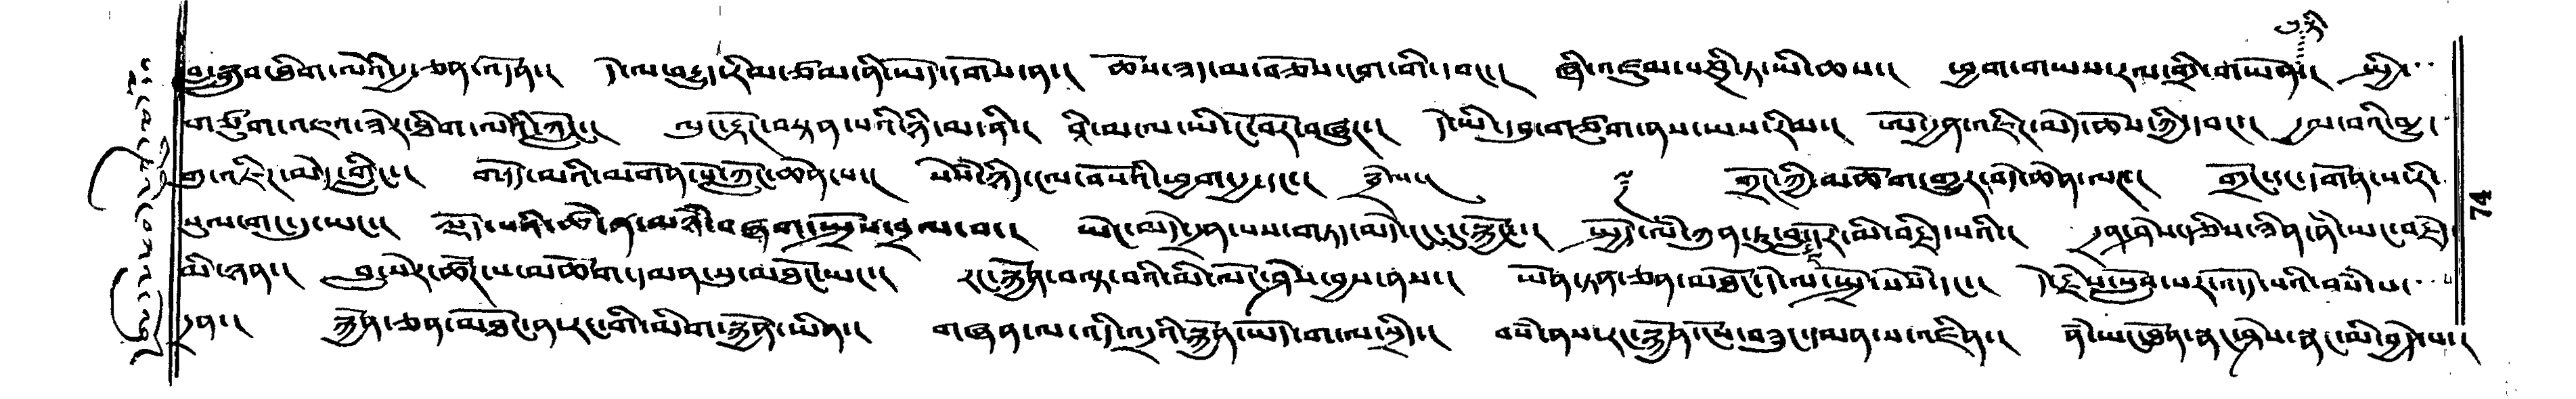བླ་སྒྲུབ་ཐིག་ལེའི་རྒྱ་ཅན་ཐོན། །དེ་ལ་བརྒྱུད་རིམ་ཙམ་ནི་ཡོད་དགོས་ན། །ཆོས་ཟད་མ་བཅོས་ངག་གི་དབང་། །ཞི་འཛུམ་པཎྜི་ཏ་ཡི་ཆས། །ཕྱག་གཡས་རལ་གྲི་གཡོན་པུསྟི། །སྤྱི་
གཙུག་འཇའ་ཟེར་ཐིག་ལེའི་ཀློང་། །ལུང་རྟོགས་བསྟན་པའི་ཉི་མ་ནི། །བཱི་མ་ལ་ཡི་ངོ་བོར་བཞུགས། །དེ་ཡི་དབུ་གཙུག་ནས་ཡས་རིམ། །ཨོ་རྒྱན་འཇིགས་མེད་ཆོས་ཀྱི་དབང་། །རྒྱལ་བའི་མྱུ་
གུ་འཇིགས་མེད་གླིང་། །གདོད་མའི་མགོན་པོ་ཀློང་ཆེན་པ། །སེམས་ཉིད་ངལ་བསོའི་ཕྱག་རྒྱ་དང་། སྦྲེལ། ༈ གྲོགས་ཀྱི་མཆོག་གྱུར་བདེ་ཆེན་ལགས། །གྲོང་དང་དགོན་པ་རི་
སུལ་གང་དུ་ཡང་། །སྡོད་པའི་ཚེ་ན་མཉམ་བཞག་སྤྲོས་བྲལ་བ། ཡེངས་མེད་དྲན་པས་གཏད་མེད་ངང་དུ་སྐྱོངས། །སྤྱོད་ལམ་ཀུན་ཏུ་བླང་དོར་མི་བརྗེད་པའི། །དྲན་ཤེས་རྩིས་ཟིན་ནམ་ཡང་བརྗེད་
མི་ཉན། །བླ་སེར་ཚོགས་པ་མཆོག་དམན་སུ་མཐོང་ཡང་། །རང་སྐྱོན་བལྟ་བའི་མེ་ལོང་ཤེས་བྱས་ནས། །ཡོན་ཏན་ཅན་མཐོང་དེ་ལ་སྤྲོ་སེམས་དང་། །དེ་རྗེས་སློབ་པར་འདོད་པའི་བསམ་པ་
དྲན། །སྐྱོན་ཅན་མཐོང་ན་རང་གི་མིག་སྐྱོན་ཡིན། །གཞན་ལ་འདི་འདྲའི་སྐྱོན་ཡོད་ག་ལ་སྲིད། །བསམ་ནས་རང་སྐྱོན་ངོས་བཟུང་དམན་ས་འཛིན། །ནམ་ཡང་ཐོན་སྣང་ཤེས་སྣང་མི་བྱེད་པར།